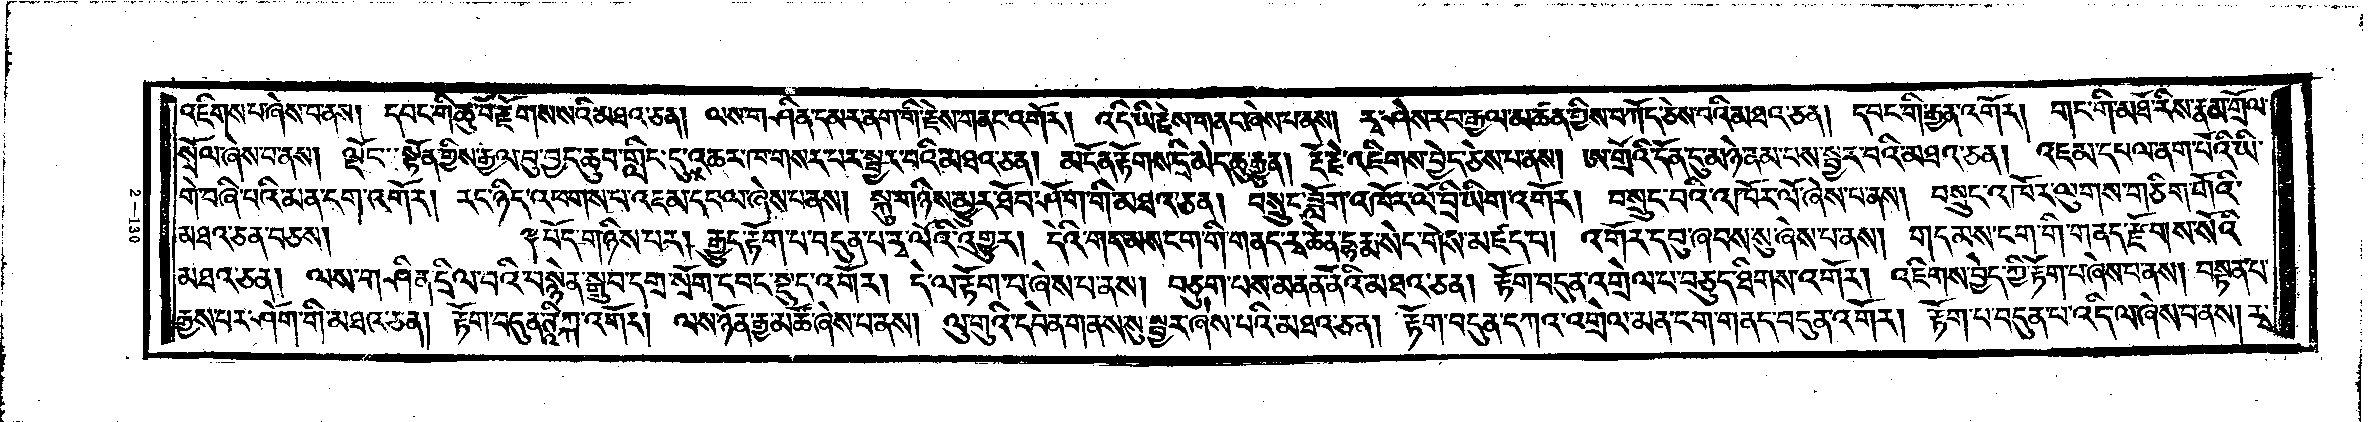འཇིགས་པ་ཞེས་པ་ནས། དབང་གི་ཆུ་བོ་རྫོགས་སའི་མཐའ་ཅན། ལས་གཤིན་དམར་ནག་གི་རྗེས་གནང་འགོར། འདི་ཡི་རྗེས་གནང་ཞེས་པ་ནས། རྭ་ཤེས་རབ་རྒྱལ་མཚན་གྱིས་བཀོད་ཅེས་བའི་མཐའ་ཅན། དབང་གི་རྒྱན་འགོར། གང་གི་མཐོ་རིས་རྣམ་གྲོལ་
སྲོལ་ཞེས་པ་ནས། ལྡོང་སྟོན་གྱིས་རྒྱལ་བུ་བྱང་ཆུབ་གླིང་དུ་འཆར་ཁ་གསར་པར་སྦྱར་བའི་མཐའ་ཅན། མངོན་རྟོགས་དྲི་མེད་ཆུ་རྒྱུན། རྡོ་རྗེ་འཇིགས་བྱེད་ཅེས་པ་ནས། ཨ་གྲོའི་དོན་དུ་མཉེ་ནམ་པས་སྦྱར་བའི་མཐའ་ཅན། འཇམ་དཔལ་ནག་པོའི་ཡི་
གེ་བཞི་པའི་མན་ངག་འགོར། རང་ཉིད་འཕགས་པ་འཇམ་དཔལ་ཞེས་པ་ནས། སྐུ་གཉིས་མྱུར་ཐོབ་ཤོག་གི་མཐའ་ཅན། བསྲུང་ཟློག་འཁོར་ལོ་བྲི་ཡིག་འགོར། བསྲུང་བའི་འཁོར་ལོ་ཞེས་པ་ནས། བསྲུང་འཁོར་ལུགས་གཅིག་གོའི་
མཐའ་ཅན་བཅས། ༈ པོད་གཉིས་པར། རྒྱུད་རྟོག་པ་བདུན་པ་རྭ་ལོའི་འགྱུར། དེའི་གདམས་ངག་གི་གནད་རྭ་ཆེན་དྷ་རྨ་སེང་གེས་མཛད་པ། འགོར་དབུ་ཞབས་སུ་ཞེས་པ་ནས། གདམས་ངག་གི་གནད་རྫོགས་སོའི་
མཐའ་ཅན། ལས་གཤིན་དྲིལ་བའི་བསྙེན་སྒྲུབ་དགྲ་སྲོག་དབང་སྡུད་འགོར། དེ་ལ་རྟོག་པ་ཞེས་པ་ནས། བཅུག་པས་མནན་ནོའི་མཐའ་ཅན། རྟོག་བདུན་འགྲེལ་བ་བཅུད་ཐིགས་འགོར། འཇིགས་བྱེད་ཀྱི་རྟོག་པ་ཞེས་པ་ནས། བསྟན་པ་
རྒྱས་པར་ཤོག་གི་མཐའ་ཅན། རྟོག་བདུན་ཊཱིཀྐ་འགོར། ལས་ཉོན་རྒྱ་མཚོ་ཞེས་པ་ནས། ལུ་གུའི་དབེན་གནས་སུ་སྦྱར་ཞེས་པའི་མཐའ་ཅན། རྟོག་བདུན་དཀའ་འགྲེལ་མན་ངག་གནད་བདུན་འགོར། རྟོག་པ་བདུན་པ་འདི་ལ་ཞེས་པ་ནས། རྭ་